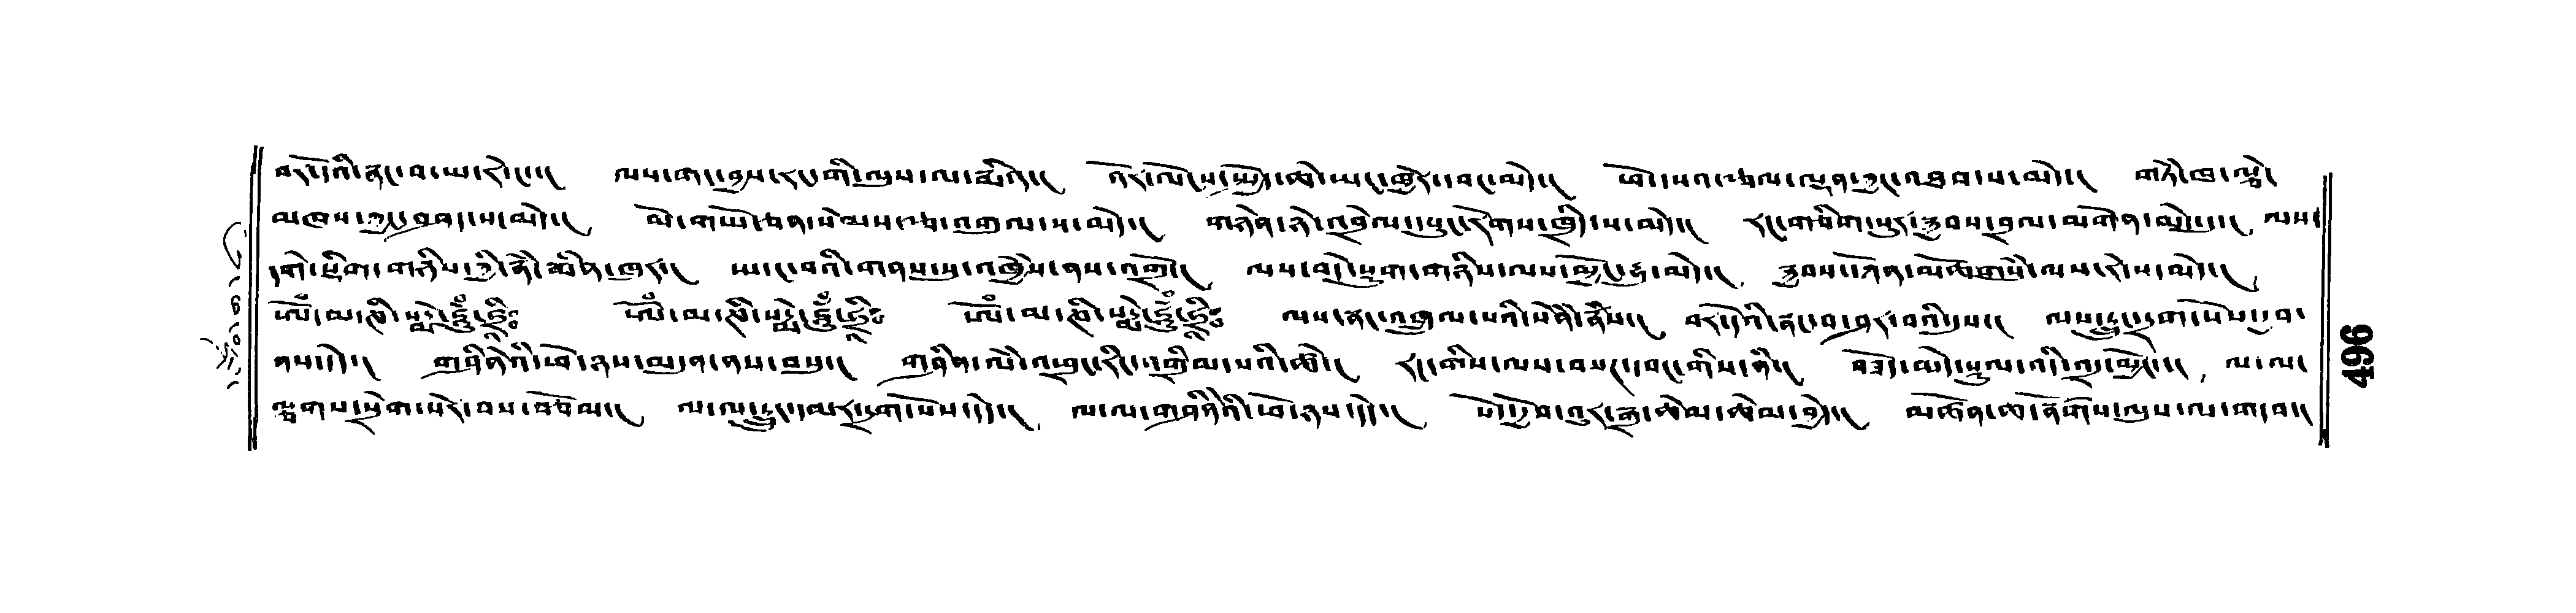བར་དོའི་སྣང་བ་ཡ་རེ་ང་། །ལས་གང་བྱས་རང་གི་ལུས་ལ་སྨིན། །ནོར་ལོངས་སྤྱོད་ཆེ་ཡང་ཁྱེར་དབང་མེད། །ཕོ་དཔའ་རྩལ་ལྡན་ཀྱང་འཐབ་ས་མེད། །གཏམ་ཁ་ལྕེ་
མཁས་ཀྱང་བཤད་ས་མེད། །མི་གཡོ་ཅན་སེམས་རྩ་འགུལ་ས་མེད། །གཉེན་ཉེ་འབྲེལ་དཔུང་རོགས་ཁྲིད་ས་མེད། །རང་གཅིག་པུར་སྐྱབས་བྲལ་མགོན་མེད་དུ། །ལས་
དགེ་སྡིག་གཉིས་ཀྱི་རྣམ་སྨིན་ཁུར། །ཡ་ང་བའི་གནས་སུ་འཁྱམས་ནས་འགྲོ། །ལས་བདེ་སྡུག་གཉིས་ལས་མྱོང་རྒྱུ་མེད། །སྐྱབས་དཀོན་མཆོག་གསུམ་ལས་རེ་ས་མེད། 
ཨོཾ་མ་ཎི་པདྨེ་ཧཱུྃ་ཧྲཱིཿ ཨོཾ་མ་ཎི་པདྨེ་ཧཱུྃ་ཧྲཱིཿ ཨོཾ་མ་ཎི་པདྨེ་ཧཱུྃ་ཧྲཱིཿ ལས་སྣང་འཁྲུལ་པའི་སེམས་ཅན་རྣམས། །བར་དོའི་སྣང་བ་ཤར་བའི་དུས། །ལས་རླུང་དྲག་པོས་རྒྱབ་
ནས་དེད། །གཤིན་ཆེའི་ཕོ་ཉས་མདུན་ནས་བསུ། །གཤིན་ལམ་འཕྲང་རིང་འགྲིམ་པའི་ཚེ། །རང་གིས་ལས་བསགས་དབང་གིས་ནི། །བཟོད་མེད་སྡུག་འདི་འདྲ་མྱོང་། །ལ་ལ་
ལྕགས་སྲེག་སེར་བས་བཅོམ། །ལ་ལ་རླུང་དམར་དྲག་པོས་དེད། །ལ་ལ་གཤིན་ཆེའི་ཕོ་ཉས་དེད། །སོད་རྒྱོབ་འུར་སྒྲ་ཆེམ་ཆེམ་བྱེད། །མཚོན་ཆ་སྣ་ཚོགས་ལུས་ལ་གདབ།